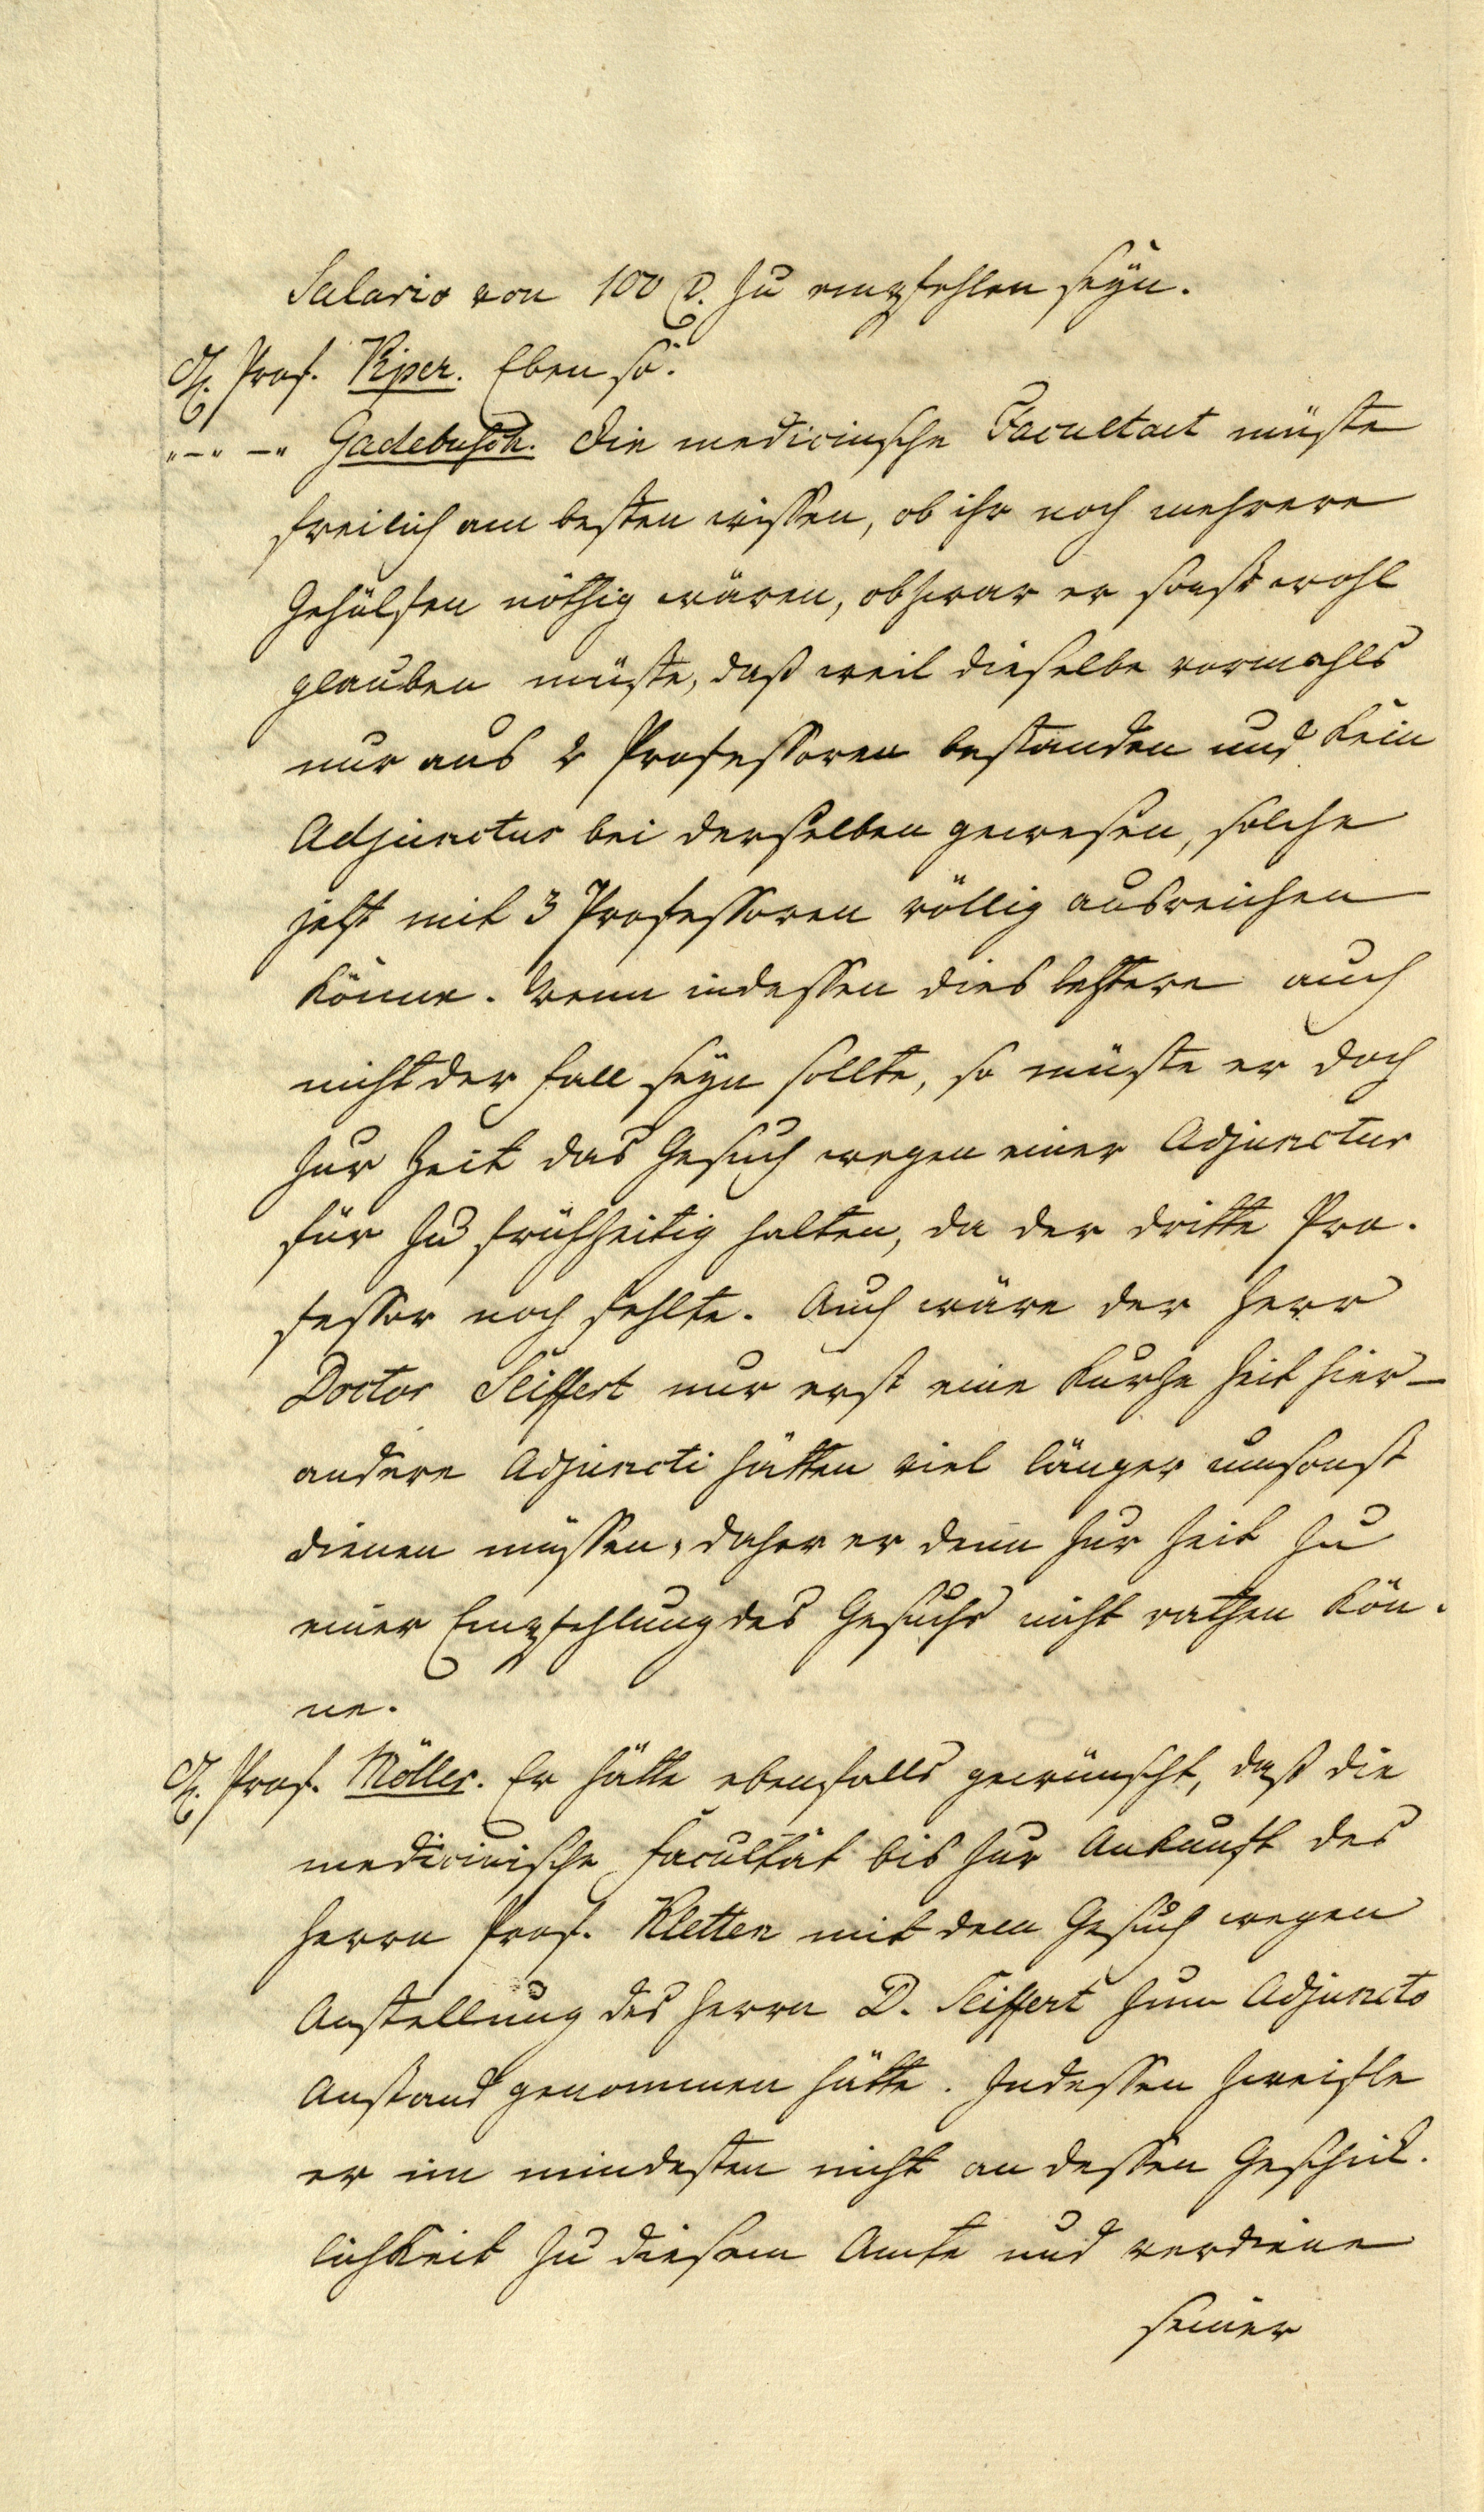Salario von 100 rtl. zu empfehlen seyn.
dh. Prof. Piper. Ebenso.
" - " - " Gadebusch. Die medicinische Facultaet müßte
freilich am besten wissen, ob ihr noch mehrere
Gehülfen nöthig wären, obzwar er sonst wohl
glauben müßte, daß weil dieselbe vormahls
nur aus 2 Professoren bestanden und kein
Adjunctus bei derselben gewesen, solche
jetzt mit 3 Professoren völlig ausreichen
könne. Wenn indessen dies letztere auch
nicht der Fall seyn sollte, so müßte er doch
zur Zeit das Gesuch wegen einer Adjunctur
für zu frühzeitig halten, da der dritte Pro-
fessor noch fehlte. Auch wäre der herr
Doctor Seiffert nur erst eine kurze Zeit hier -
andere Adjumcti hätten viel länger umsonst
dienen müssen, daher er denn zur Zeit zu
einer Empfehlung des Gesuchs nicht rathen kön-
ne.
dh. Prof. Möller. Er hätte ebenfalls gewünscht, daß die
medicinische Facultät bis zur Ankunft des
herrn Prof. Kletten mit dem Gesuch wegen
Anstellung des herrn D. Seiffert zum Adjuncto
Anstand genommen hätte. Indessen zweifle
er im mindesten nicht an dessen Geschick-
lichkeit zu diesem Amte und verdiene
seiner